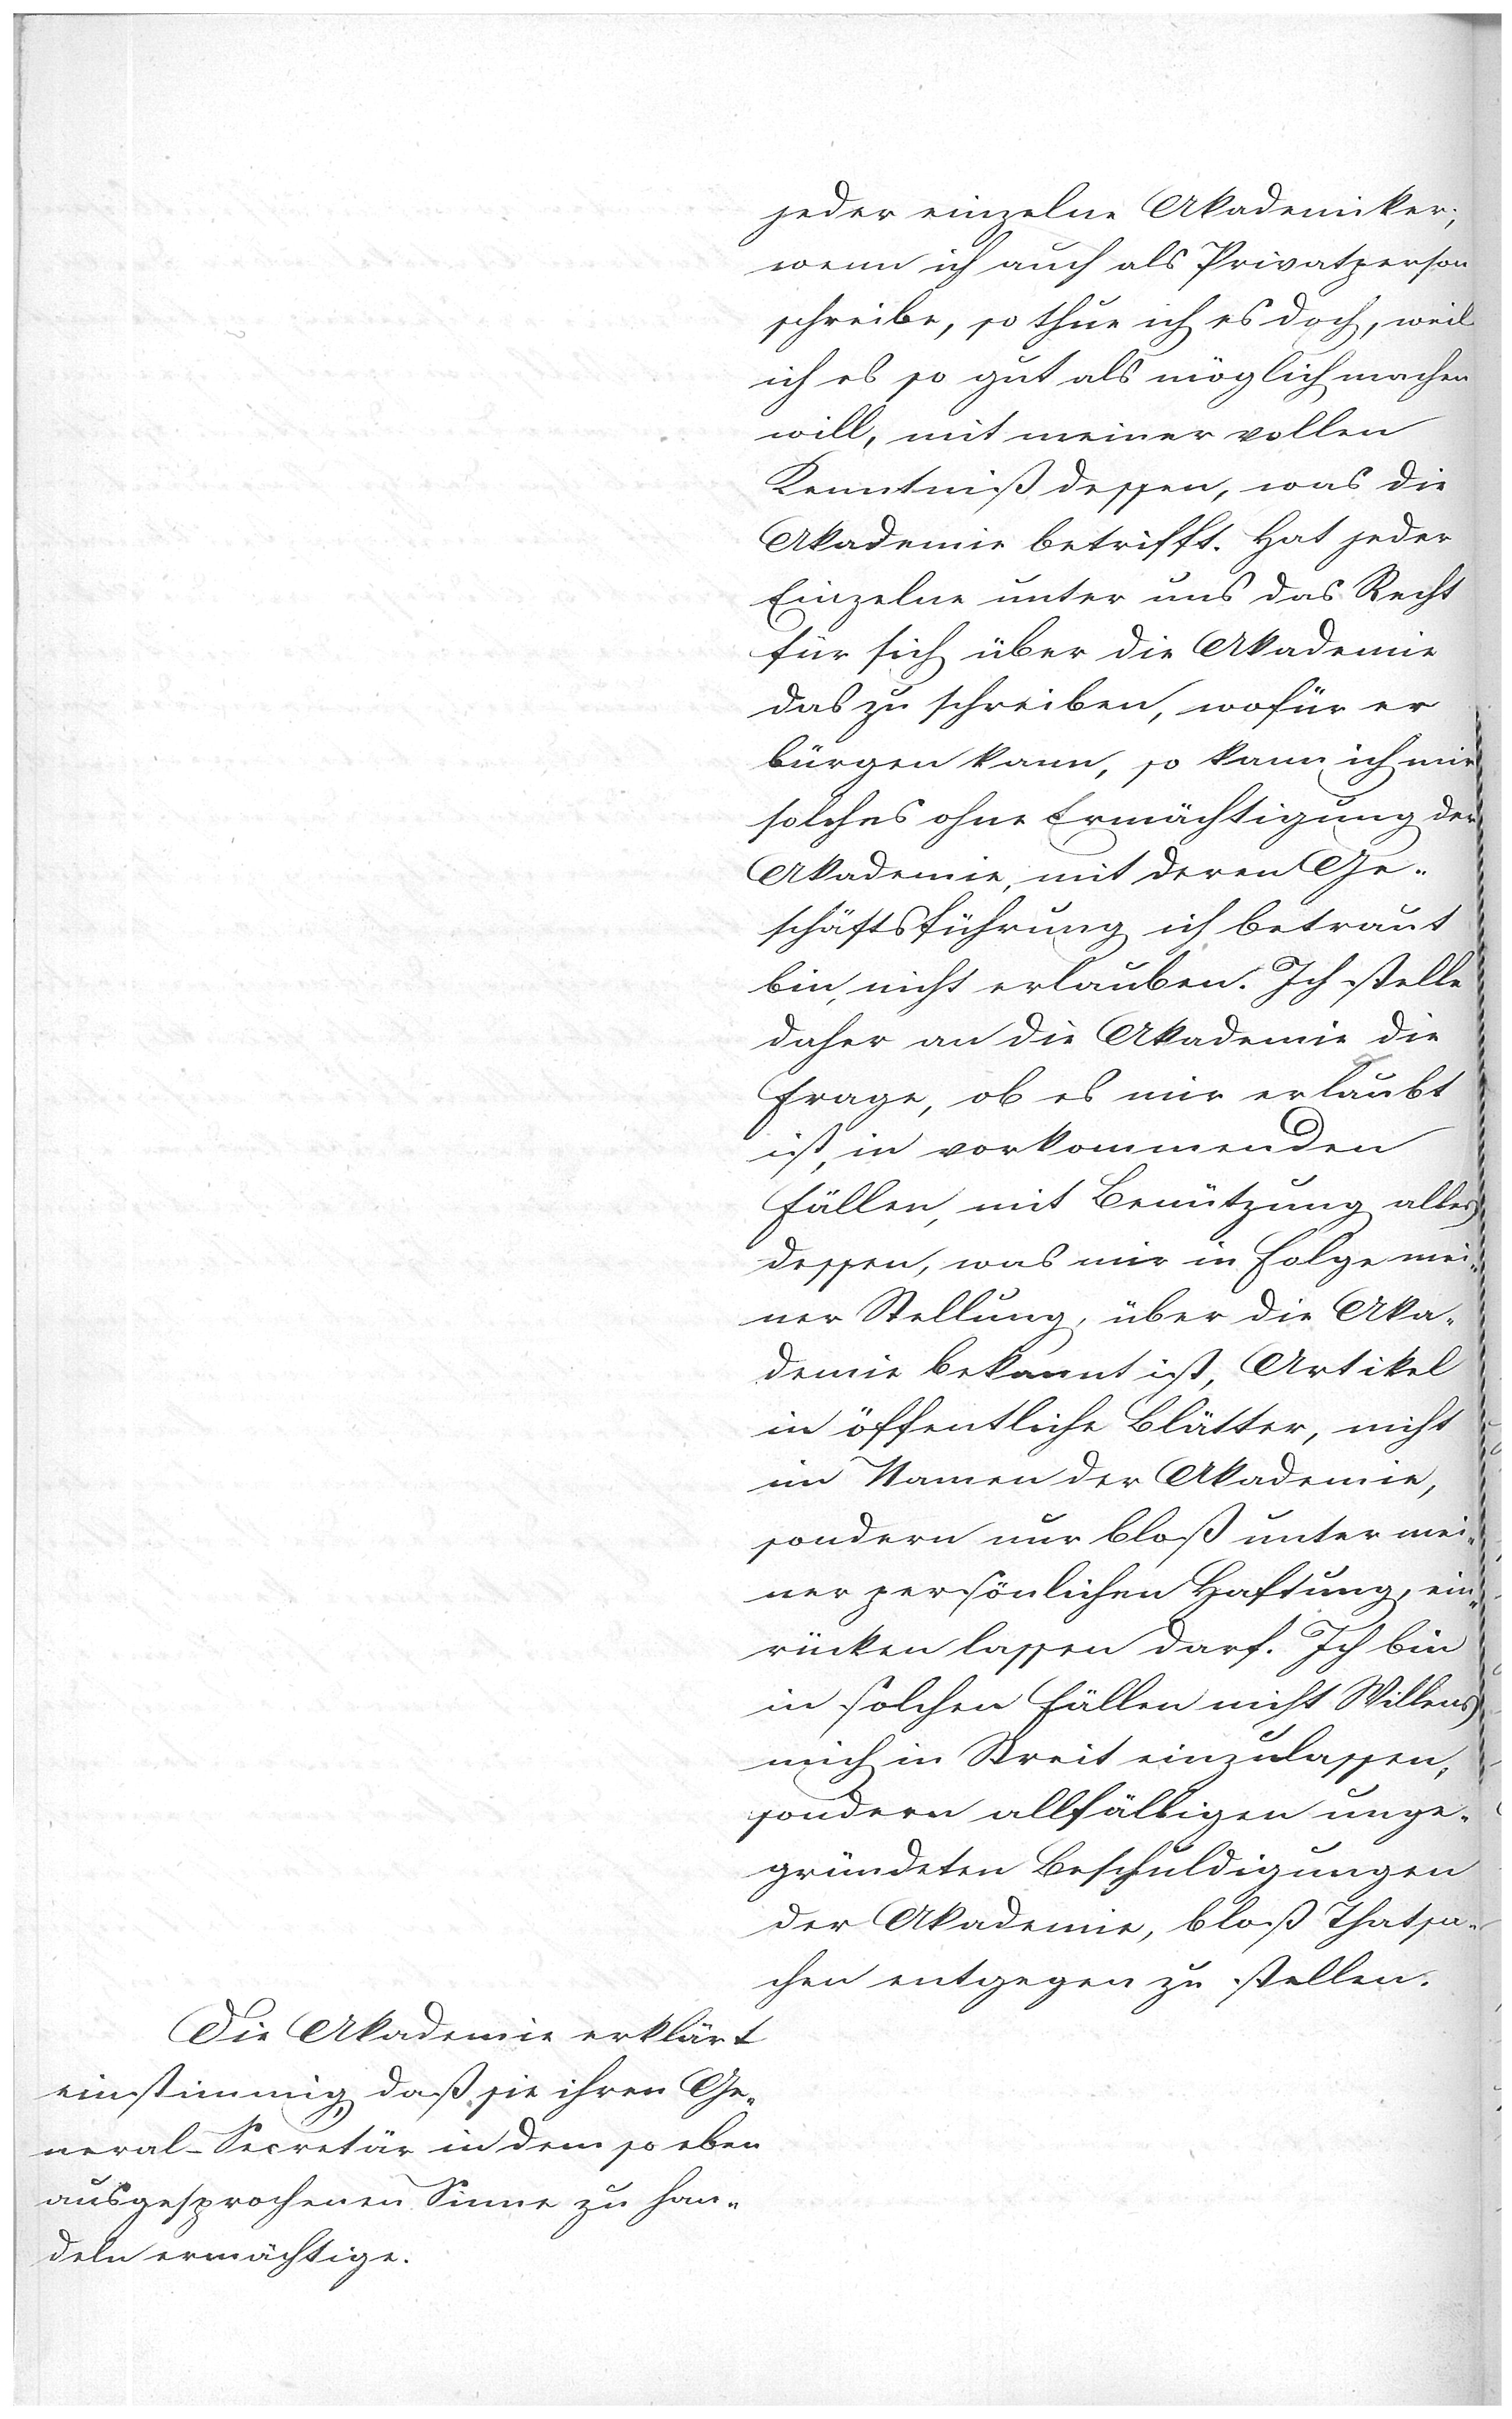jeder einzelne Akademiker;
wenn ich auch als Privatperson
schreibe, so thue ich es doch, weil
ich es so gut als möglich machen
will, mit meiner vollen
Kenntniß dessen, was die
Akademie betrifft. Hat jeder
Einzelne unter uns das Recht
für sich über die Akademie
das zu schreiben, wofür er
bürgen kann, so kann ich mir
solches ohne Ermächtigung der
Akademie, mit deren Ge-
schäftsführung ich betraut
bin, nicht erlauben. Ich stelle
daher an die Akademie die
Frage, ob es mir erlaubt
ist, in vorkommenden
Fällen, mit Benützung alles
dessen, was mir in Folge mei-
ner Stellung, über die Aka-
demie bekannt ist, Artikel
in öffentlichen Blätter, nicht
im Namen der Akademie,
sondern nur bloß unter mei-
ner persönlichen Haftung, ein-
rücken lassen darf. Ich bin
in solchen Fällen nicht Willens,
mich in Streit einzulassen,
sondern allfälligen unge-
gründeten Beschuldigungen
der Akademie, bloß Thatsa-
chen entgegen zu stellen.
Der Akademie erklärt
einstimmig, daß sie ihren Ge-
neral-Secretär in dem so eben
ausgesprochenen Sinne zu han-
deln ermächtige.